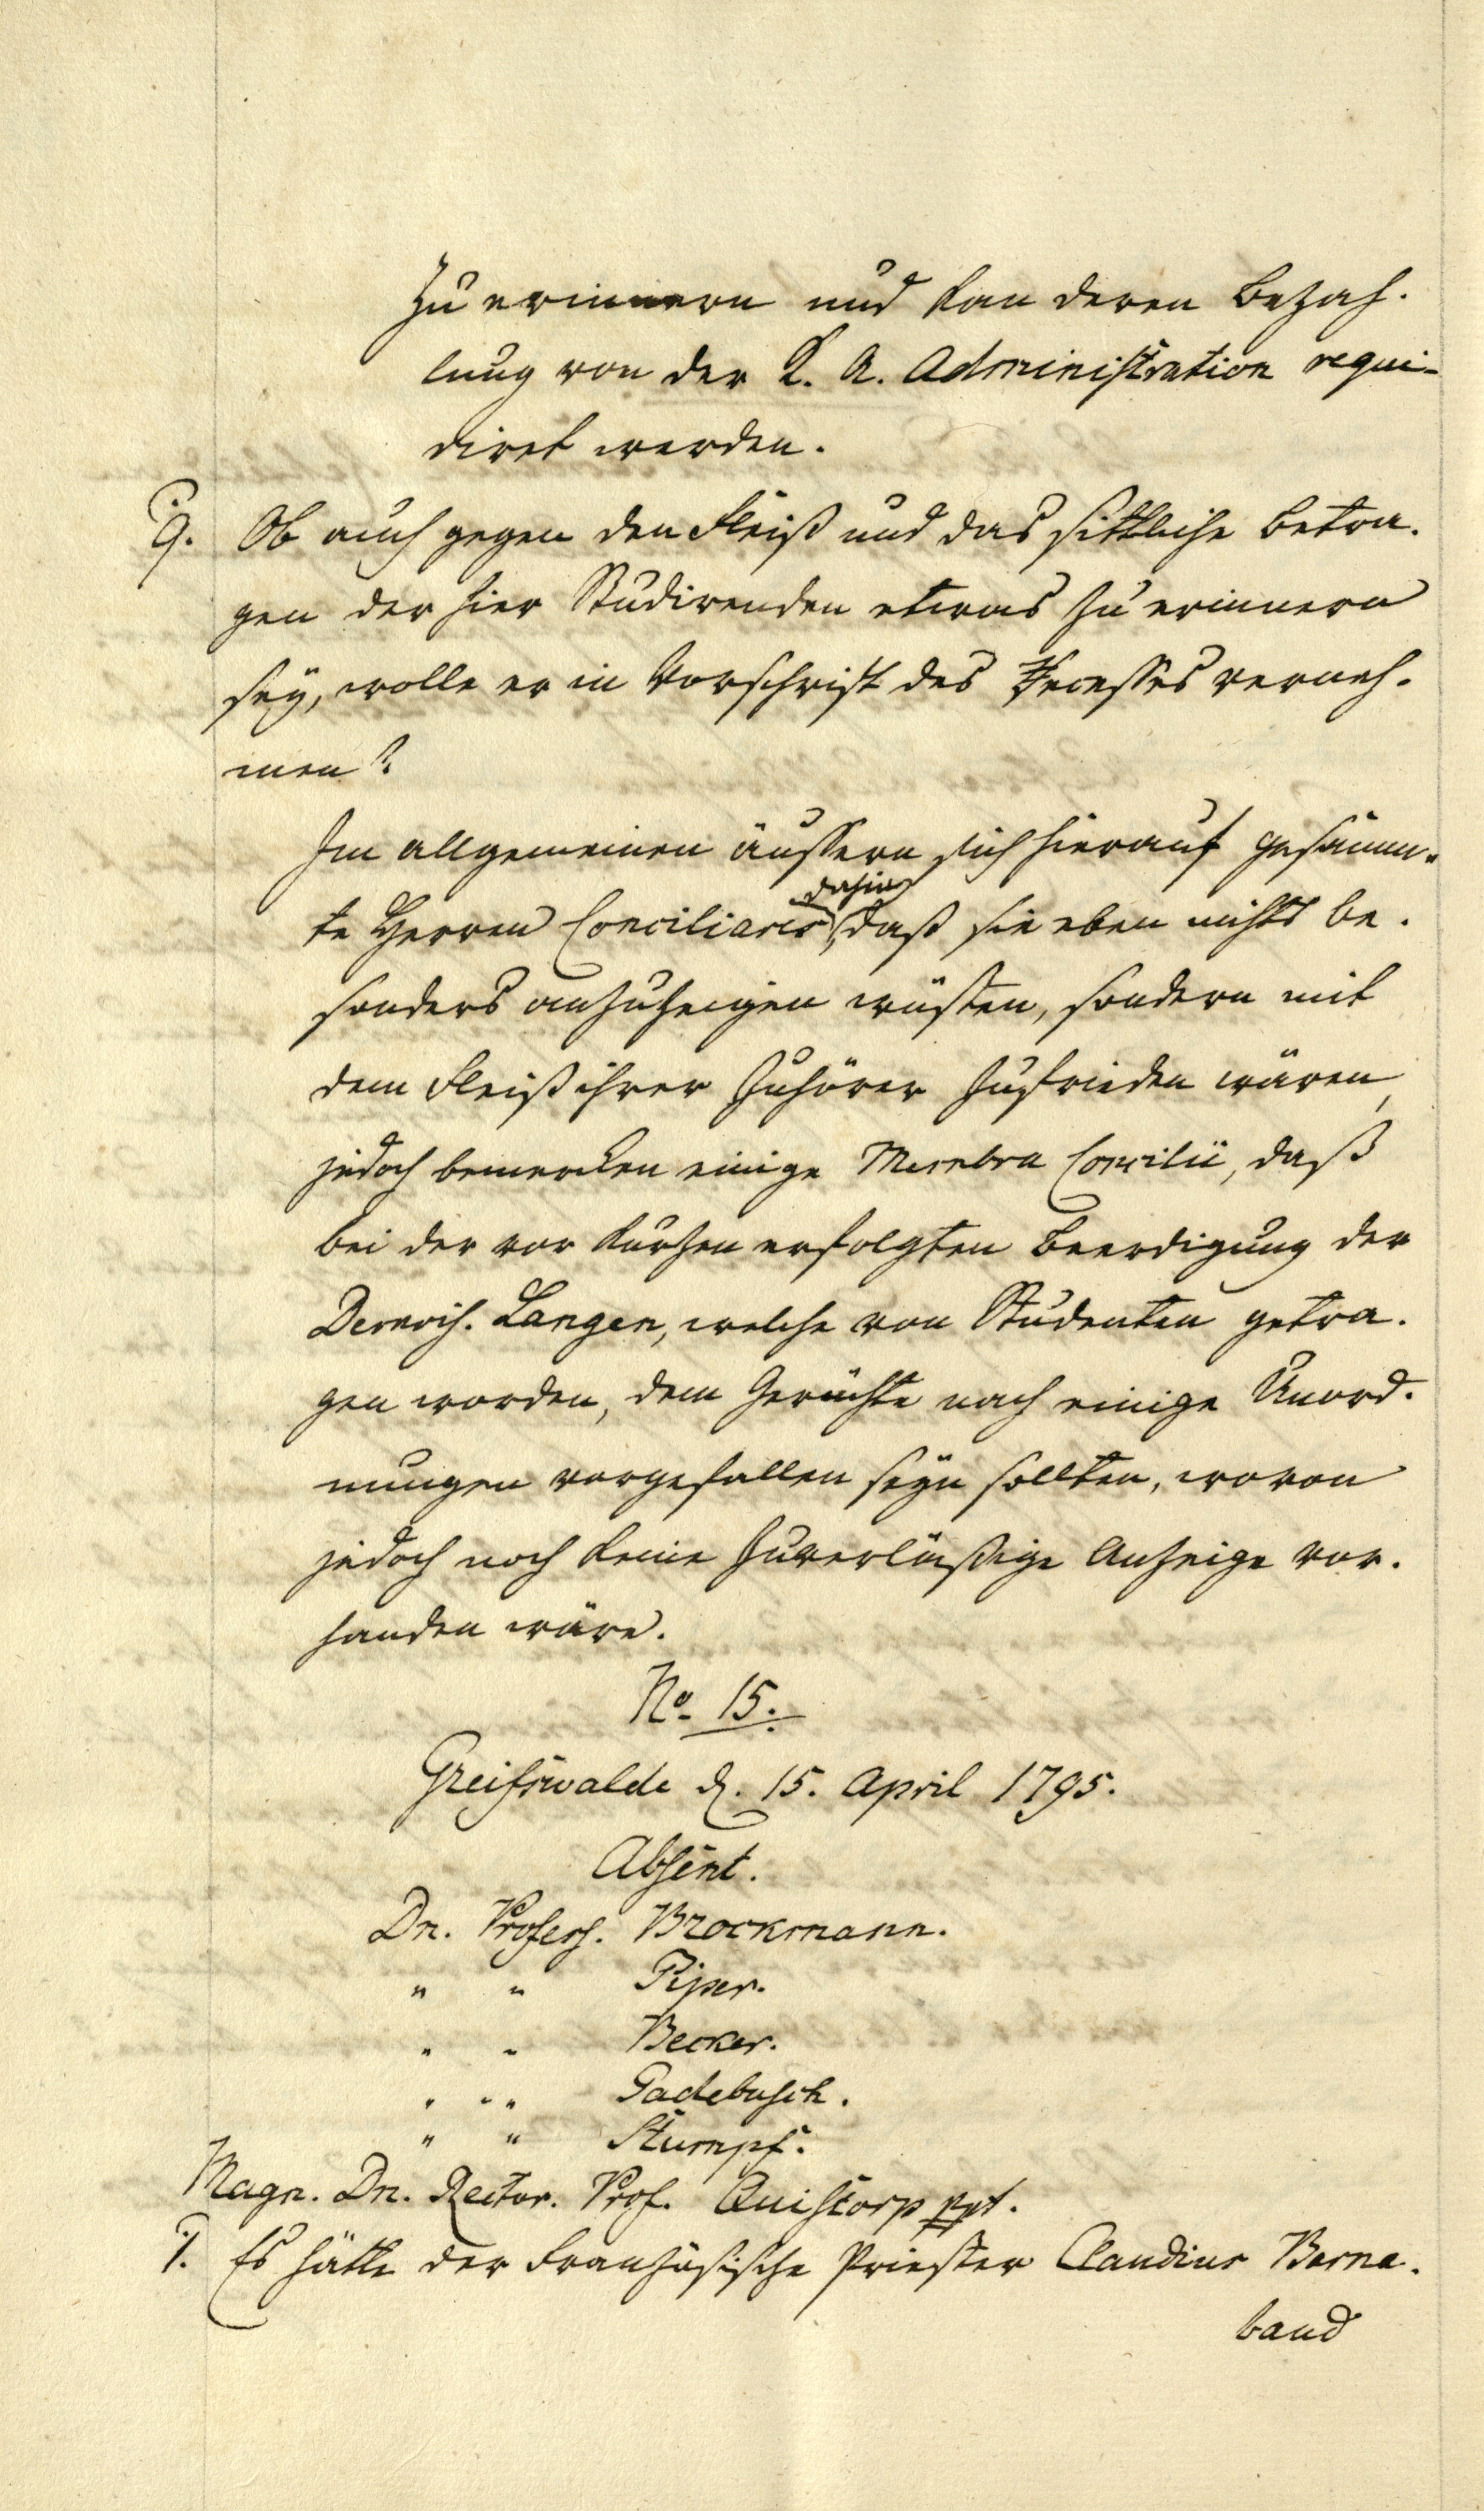zu erinnern und kan deren Bezah¬
lung von der K. A. Administration requi¬
riret werden.
9. Ob auch gegen den Fleiß und das sittliche Betra¬
gen der hier Studirenden etwas zu erinnern
seÿ, wolle er im Vorschrift des Recesses verneh¬
men ?
Im allgemeinen äussern sich hierauf gesamm¬
te Herren Conciliares dahin, daß sie eben nichts be¬
sonders anzuzeigen wüßten, sondern mit
dem Fleiß ihrer Zuhörer zufrieden wären,
jedoch bemercken einige Membra Concilii, daß
bei der vor kurzen erfolgten Beerdigung der
Demois. Langen, welche von Studenten getra¬
gen worden, dem Gerüchte nach einige Unord¬
nungen vorgefallen seÿn sollten, wovon
jedoch noch keine zuverläßige Anzeige vor¬
hafänden wäre.
No 15.
Greifswalde d. 15. April 1795.
Absent.
Dn. Profess. Brockmann.
Piper.
Becker.
Gadebusch.
Stumpf.
Magn. Dn. Rector. Prof. Quistorp ppt.
1. Es hätte der Französische Priester Claudius Barna¬
band